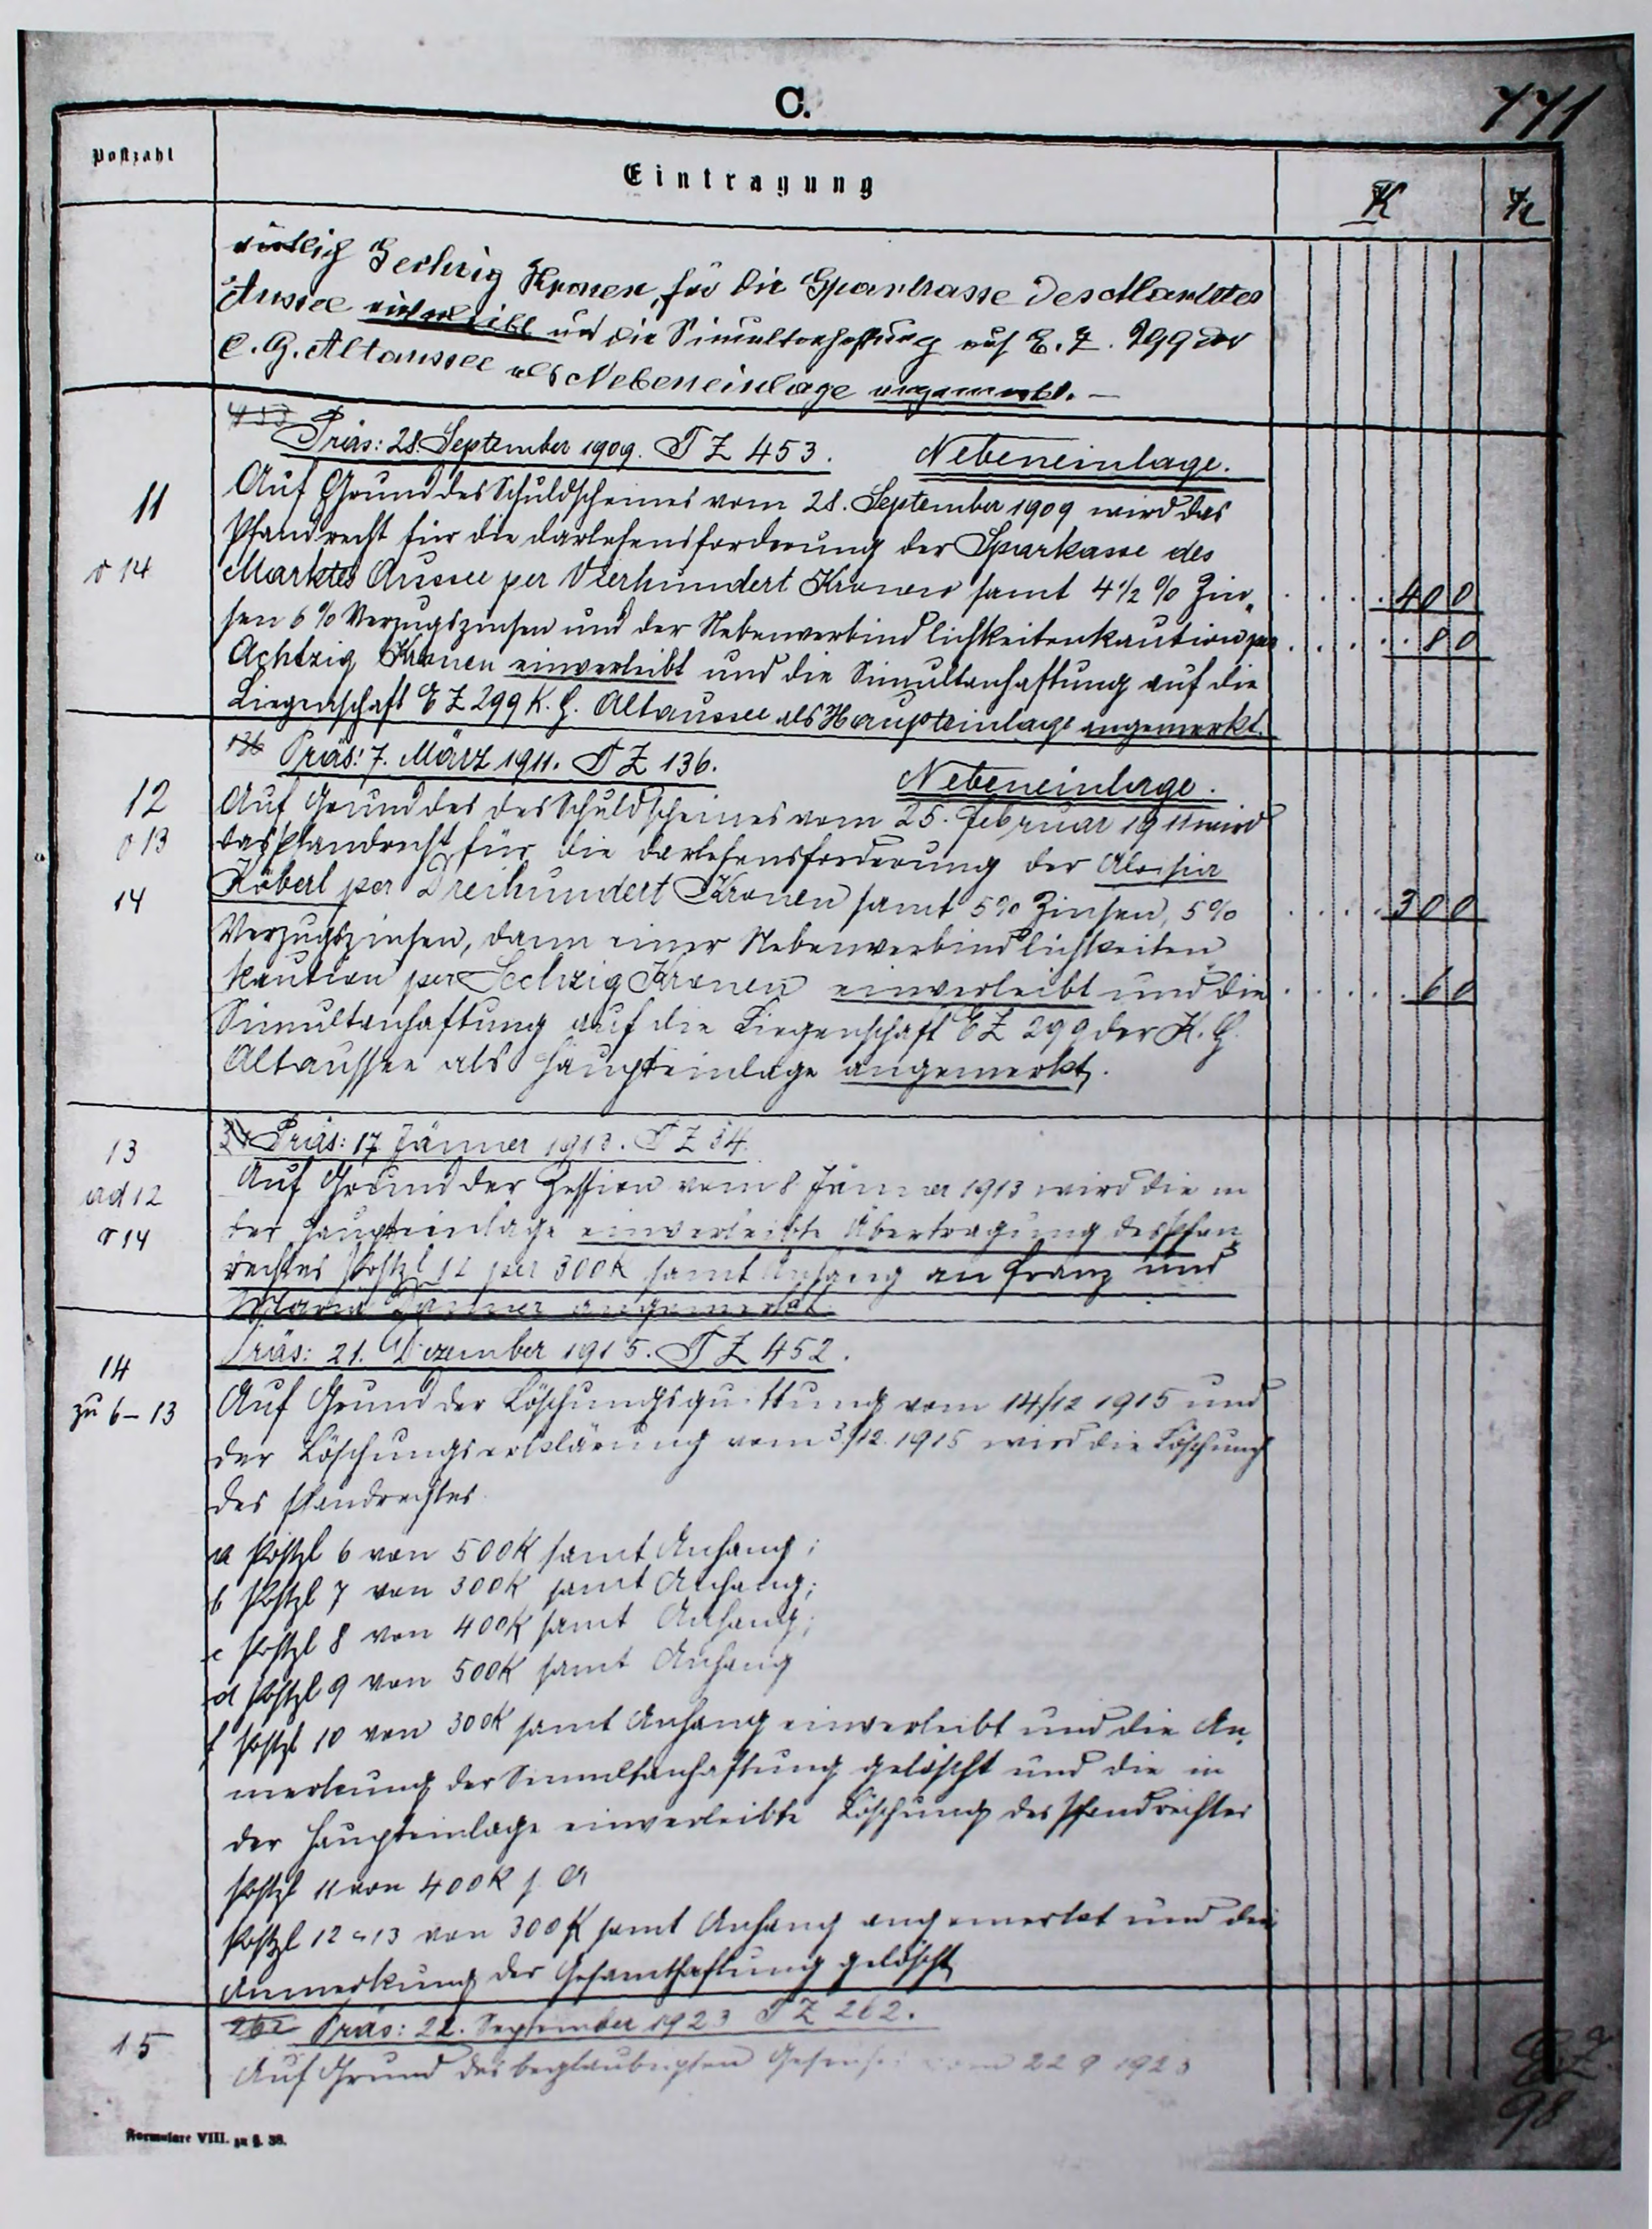771
C.
Postzahl
Eintragung
K
??
wörtlich Sechzig Kronen, für die Sparkasse des Marktes
Aussee einverleibt und die Simultanhaftung auf E.Z. 299 der
C.G. Altaussee als Nebeneinlage angemerkt.-
453
Präs: 28. September 1909. T Z 453. Nebeneinlage.
Auf Grund des Schuldscheines vom 28. September 1909 wird das
Pfandrecht für die Darlehensforderung der Sparkasse des
Marktes Aussee per Vierhundert Kronen samt 4 1/2 % Zin„
sen 6 % Verzugszinsen und der Nebenverbindlichkeitenkaution per
Achtzig Kronen einverleibt und die Simultanhaftung auf die
Liegenschaft E Z 299 K.G. Altaussee als Haupteinlage angemerkt.
11
s 14
400
80
136
Präs: 7. März 1911. T Z 136.
Nebeneinlage
Auf Grund des des Schuldscheines vom 25. Februar 1911 wird
das Pfandrecht für die Darlehensforderung der Aloisia
Koberl per Dreihundert Kronen samt 5% zinsen 5%
Verzugszinsen, dann einer Nebenverbindlichkeiten
Kaution per Sechzig Kronen einverleibt und die
Simultanhaftung auf die Liegenschaft E Z 299 der K.G.
Altaussee als Haupteinlage angemerkt.
12
s 13
14
300
60
31 Präs: 17. Jänner 1913. T Z 34.
Auf Grund der Zession vom 8. Jänner 1913 wird die in
der Haupteinlage einverleibte Übertragung des Pfan„
drechtes Postzl 12 per 300 K samt Anhang den Franz und
Maria Danner angemerkt.
13
ad 12
s 14
Präs: 21 Dezember 1915. T Z 452.
Auf Grund der Löschungsquittung vom 14/12 1915 und
der Löschungserklärung vom 3/12. 1915 wird die Löschung
des Pfandrechtes
a Postzl 6 vom 500 K samt Anhang;
b Postzl 7 vom 300 K samt Anhang;
c Postzl 8 vom 400 K samt Anhang;
d Postzl 9 vom 500 K samt Anhang;
f Postzl 10 vom 300 K samt Anhang einverleibt und die An„
merkung der Simultanhaftung gelöscht und die in
der Haupteinlage einverleibte Löschung des Pfandrechtes
Postzl 11 von 400 K f. A
Postzl 12 4/3 von 300 K samt Anhang angemerkt und der
Anmerkung der Gesamthaftung gelöscht
14
zu 6 - 13
262 Präs: 22. September 1923 T Z 262.
Auf Grund des beglaubigten Gesen??? vom 22.9.1923
15
EZ.
98
Formulare VIII. zu §. 38.